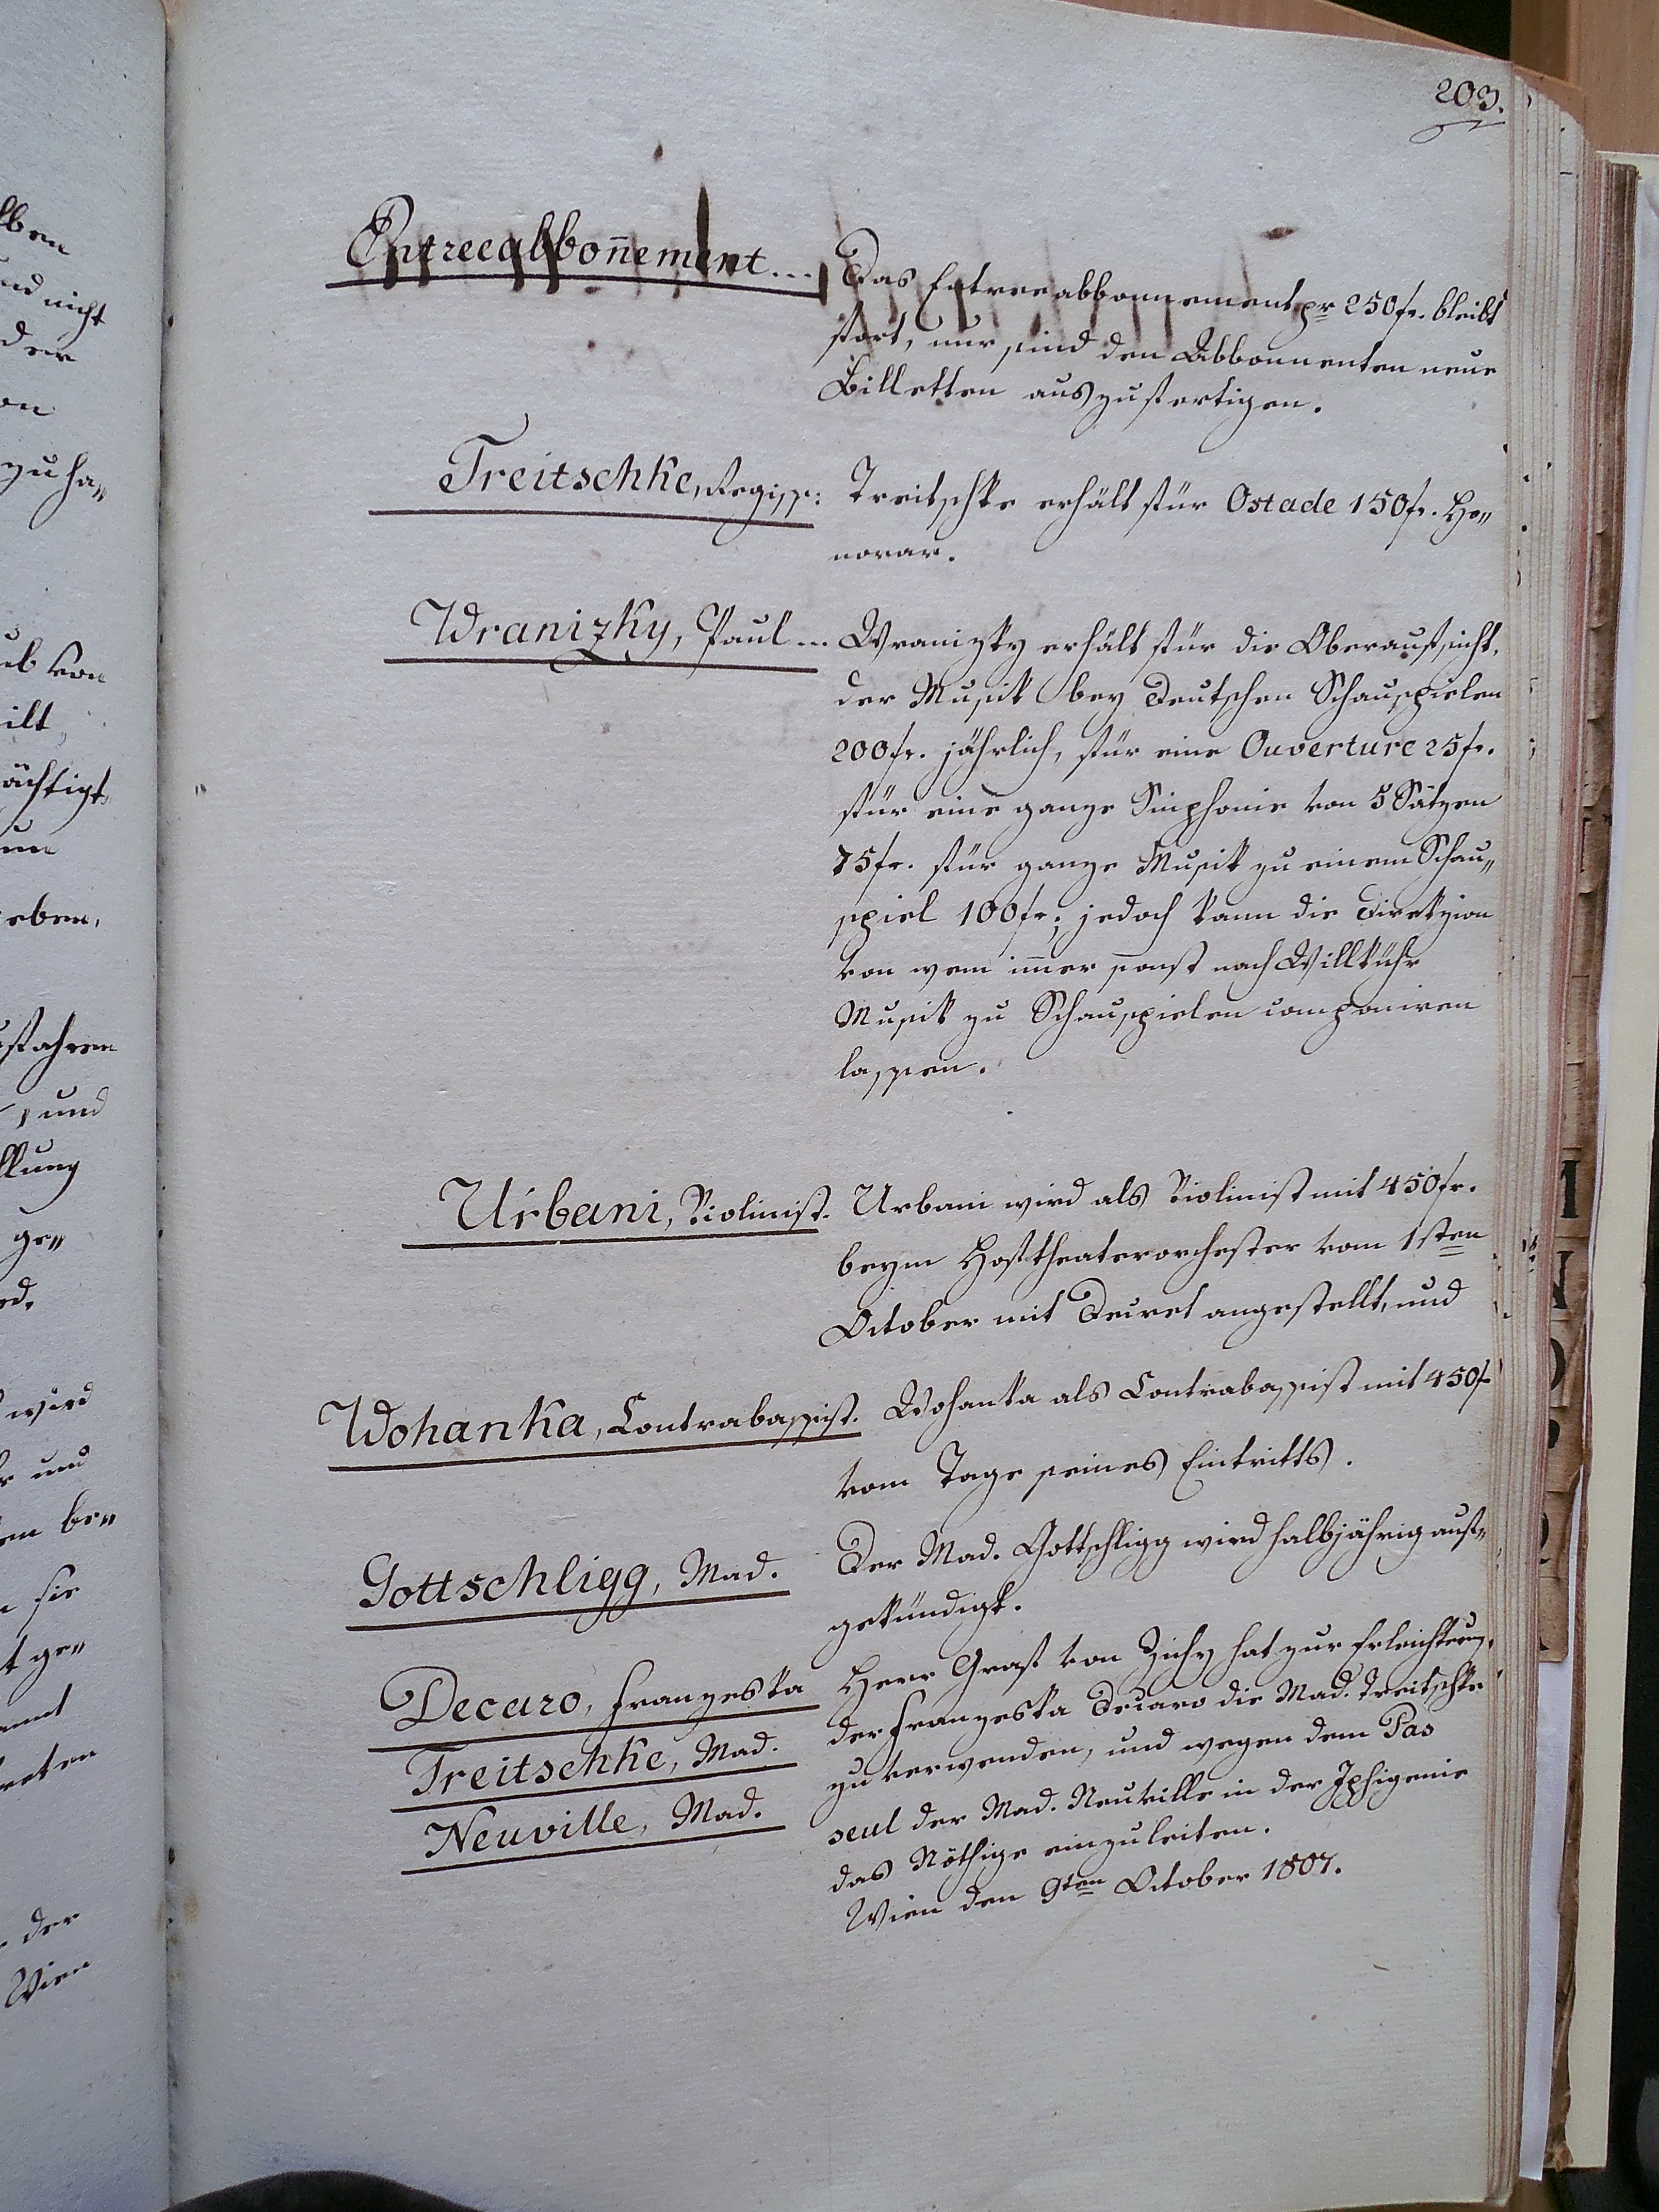203.
Entreeabbon̅ement. . . Das Entreeabbonement pr͇ 250fr. bleibt
fort, nur sind den Abbonnenten neue
Billetten auszufertigen.
Treitschke, Regiss: Treitschke erhält für Oastade 150fr. Ho¬
norar.
Wranizky, Paul ... Wranizky erhält für die Oberaufsicht,
der Music bey deutschen Schauspielen
200fr. jährlich, für eine Ouverture 25fr.
für eine ganze Sinphonie von 5 Sätzen
75fr. für ganze Musik zu einem Schau¬
spiel 100fr.; jedoch kann die Direkzion
von wem im̅er sonst nach Willkühr
Musik zu Schauspielen componiren
lassen.
Urbani, Violinist. Urbani wird als Violinist mit 450fr.
beym Hoftheaterorchester vom 1ste͇n
October mit Decret angestellt, und
Wohanka, Contrabassist. Wohanka als Contrabassist mit 450fr.
vom Tage seines Eintritts.
Gottschligg, Mad. Der Mad. Gottschligg wird halbjährig auf¬
gekündigt.
Decaro, Franzeska
Treitschke, Mad.
Neuville, Mad.
Herr Graf von Zichy hat zur Erleichterung,
der Franzeska Decaro die Mad. Treitschke
zuverwenden, und wegen dem Pas
seul der Mad. Neuville in der Iphigenie
das Nöthige einzuleiten.
Wien den 9te͇n October 1807.